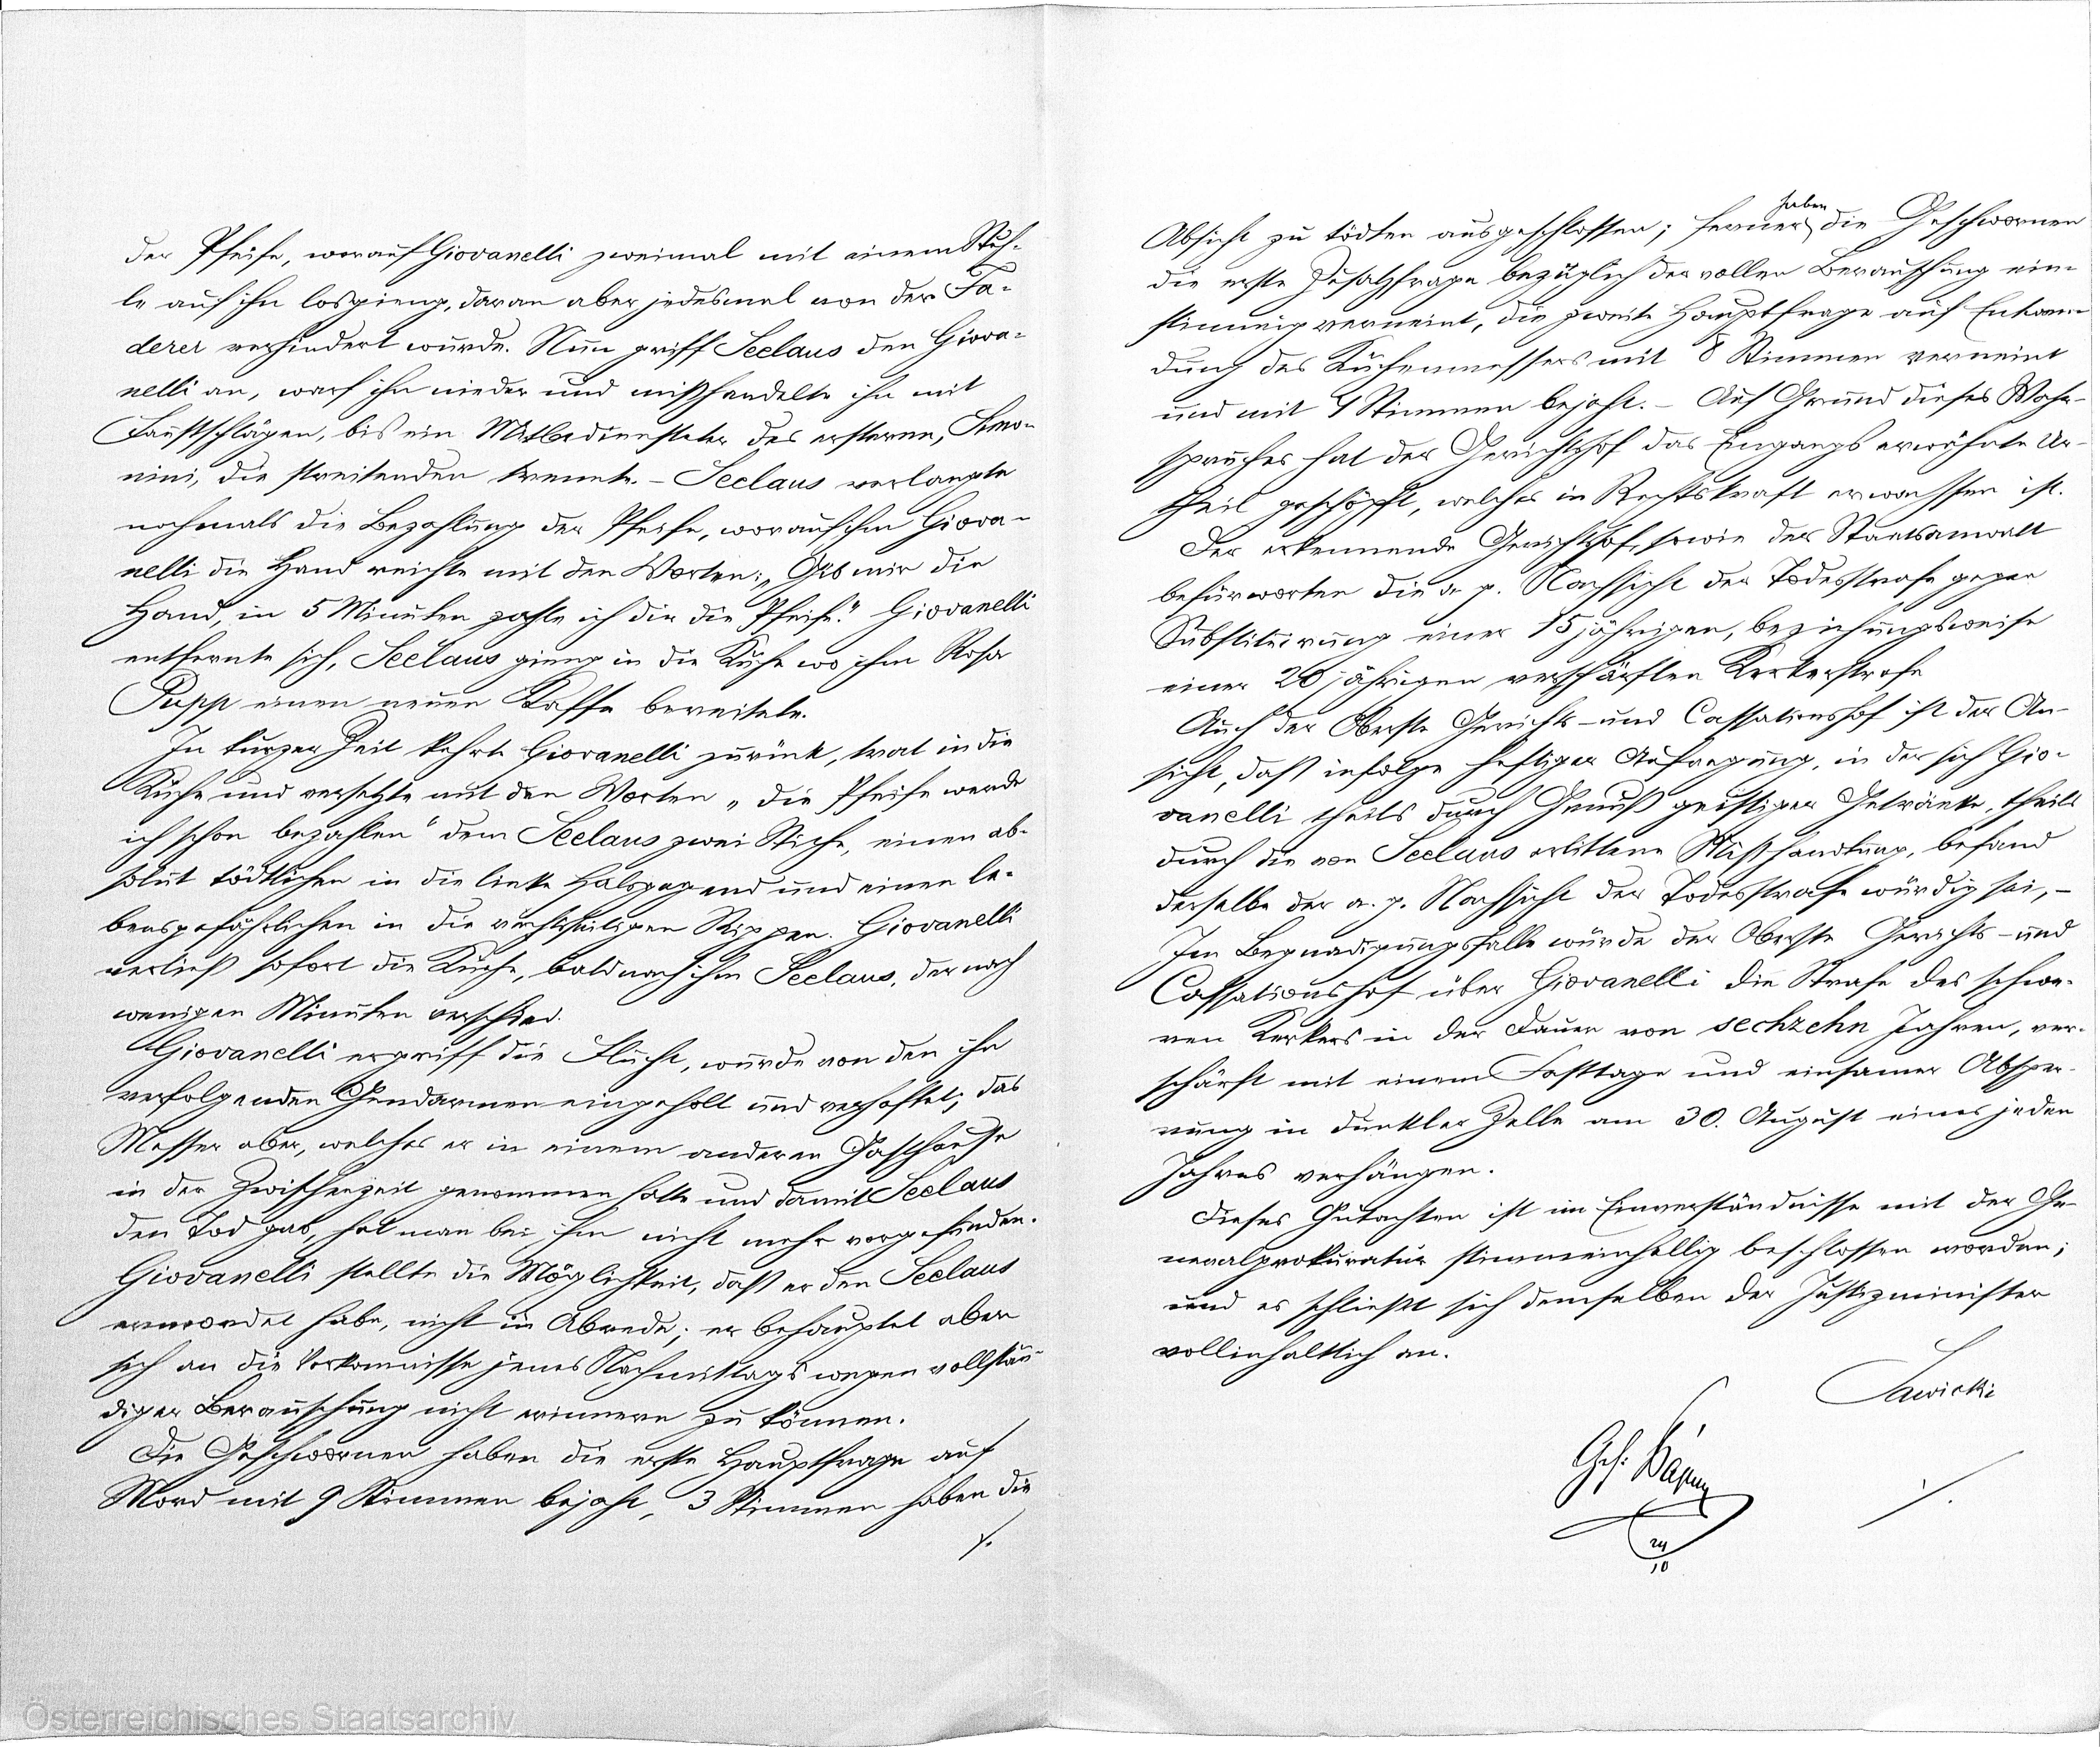der Pfeife, wovon Giovanelli zweimal mit einem Stuh¬
le auf ihn losgieng, daran aber jedesmal von der Fa¬
derer verhindert wurde. Nun griff Seelaus den Giova¬
nelli an, warf ihn wieder und mißhandelte ihn mit
Faustschlägen, bis ein Mitbediensteter des ersteren, Simo¬
nini, die streitenden trennte. Seelaus verlangte
nochmals die Bezahlung der Pfeife, worauf ihm Giova¬
nelli die Hand reichte mit den Worten: „Big mir die
Hand, in 5 Minuten zahle ich dir die Pfeife.“ Giovanelli
entfernte sich, Seelaus gieng in die Küche woh ihm Rosa
Pupp einen neuen Kaffe bereitete.
In kürzer Zeit kehrte Giovanelli zurück, trat in die
Küche und versetzte mit den Worten „die Pfeife werde
ich schon bezahlen“ dem Seelaus zwei Stiche, einen ab¬
solut tödtlichen in die linke Halsgegend und einen le¬
bensgefährlichen in die rechtsseitigen Rippen. Giovanelli
verließ sofort die Küche, bald nach ihm Seelaus, der nach
wenigen Minuten verschied.
Giovanelli ergriff die Flucht, wurde von den ich
verfolgenden Gendarmen eingeholt und verhaftet, das
Messer aber, welches er in einen anderen Gasthause
in der Zwischenzeit genommen hatte und damit Seelaus
den Tod gab, hat man bei ihm nicht mehr vorgefunden.
Giovanelli stellte die Möglichekeit, daß er den Seelaus
ermordet habe, nicht in Abrede, er behauptet aber
sich an die Vorkomnisse jenes Nachmittags wegen vollstän¬
diger Berauschug nicht erinnern zu können.
Die Geschworenen haben die erste Hauptfrage auf
Mord mit 9 Stimmen bejaht, 3 Stimmen haben die
Absicht zu tödten ausgeschlossen; ferner die Geschwornen
die erste Zusatzfrage bezüglich der vollen Berauschung ein¬
simmig verneint, die zweite Hauptfrage auf Entwen¬
dung des Küchenmessers mit 8 Stimmen verneint
und mit 4 Stimmen bejaht. Auf Grund deises Wahr¬
spruches hat er Gerichtshof das Eingangs erwähnte Ur¬
theil geschöpft, welches in Rechtskraft erwachsen ist.
Der erkennende Gerichtshof, sowie der Staatsanwalt
befürworten die a.g. Nachsicht der Todesstrafe gegen
Substituirung einer 15jährigen, beziehungsweise
einer 20jährigen verschärften Kerkerstrafe.
Auch der Oberste Gerichts- und Cassationshof ist der An¬
sicht, daß infolge heftiger Aufregung, in der sich Gio¬
vanelli theils durch Genuß geistiger Getränke, theils
durch die von Seelaus erlittene Mißhandlugn befand
derselbe der a.g. Nachsicht der Todesstrafe würdig sei, ¬
Im Benadigungsfalle würde der Oberste Gerichts- und
Cassationshof über Giovanelli die Strafe der schwa¬
ren Kerkers in der Dauer von sechzehn Jahren, ver¬
schärft mit einem Fasttage und einsamer Absper¬
rung in dunkler Zelle am 30. August eines jeden
Jahres verhängen.
Dieses Gutachten ist im Einverständnisse mit der Ge¬
neralprokuratur stimmeinhellig beschlossen worden;
und es schließt sich demselben der Justizminister
vollinhaltig an.
Sawicki
Ges. Papay
24
10